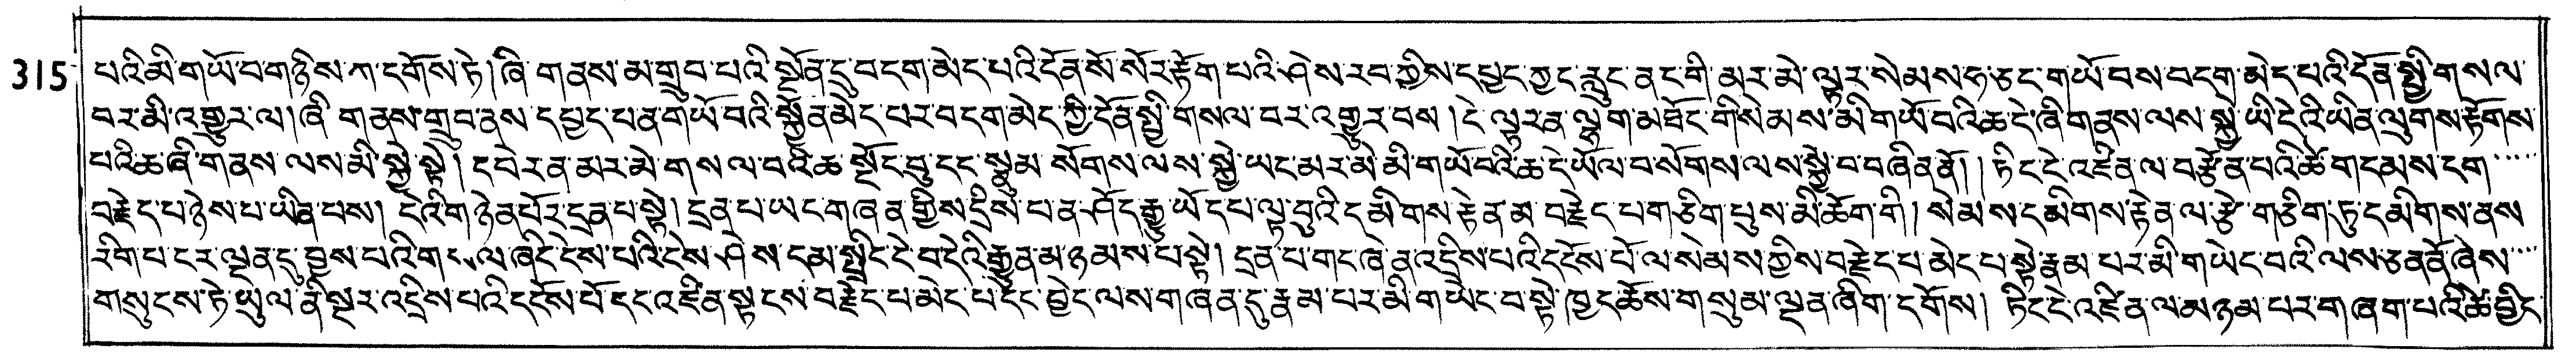པའི་མི་གཡོ་བ་གཉིས་ཀ་དགོས་ཏེ། ཞི་གནས་མ་གྲུབ་པའི་སྔོན་དུ་བདག་མེད་པའི་དོན་སོ་སོར་རྟོག་པའི་ཤེས་རབ་ཀྱིས་དཔྱད་ཀྱང་རླུང་ནང་གི་མར་མེ་ལྟར་སེམས་ཧ་ཅང་གཡོ་བས་བདག་མེད་པའི་དོན་སྤྱི་གསལ་
བར་མི་འགྱུར་ལ། ཞི་གནས་གྲུབ་ནས་དཔྱད་པ་ན་གཡོ་བའི་སྐྱོན་མེད་པར་བདག་མེད་ཀྱི་དོན་སྤྱི་གསལ་བར་འགྱུར་བས། དེ་ལྟར་ན་ལྷག་མཐོང་གི་སེམས་མི་གཡོ་བའི་ཆ་དེ་ཞི་གནས་ལས་སྐྱེ་ཡི་དེའི་ཡིན་ལུགས་རྟོགས་
པའི་ཆ་ཞི་གནས་ལས་མི་སྐྱེ་སྟེ། དཔེར་ན་མར་མེ་གསལ་བའི་ཆ་སྡོང་བུ་དང་སྣུམ་སོགས་ལས་སྐྱེ་ཡང་མར་མེ་མི་གཡོ་བའི་ཆ་དེ་ཡོལ་བ་སོགས་ལས་སྐྱེ་བ་བཞིན་ནོ། །ཏིང་ངེ་འཛིན་ལ་བརྩོན་པའི་ཚེ་གདམས་ངག་
བརྗེད་པ་ཉེས་པ་ཡིན་པས། དེའི་གཉེན་པོར་དྲན་པ་སྟེ། དྲན་པ་ཡང་གཞན་གྱིས་དྲིས་པ་ན་ཤོད་རྒྱུ་ཡོད་པ་ལྟ་བུའི་དམིགས་རྟེན་མ་བརྗེད་པ་གཅིག་པུས་མི་ཆོག་གི །སེམས་དམིགས་རྟེན་ལ་རྩེ་གཅིག་ཏུ་དམིགས་ནས་
རིག་པ་ངར་ལྡན་དུ་བྱས་པའི་གསལ་ཞིང་ངེས་པའི་ངེས་ཤེས་དམ་སྤྲིང་ངེ་བདེའི་རྒྱུན་མ་ཉམས་པ་སྟེ། དྲན་པ་གང་ཞེ་ན་འདྲིས་པའི་དངོས་པོ་ལ་སེམས་ཀྱིས་བརྗེད་པ་མེད་པ་སྟེ་རྣམ་པར་མི་གཡེང་བའི་ལས་ཅན་ནོ་ཞེས་
གསུངས་ཏེ་ཡུལ་ནི་སྔར་འདྲིས་པའི་དངོས་པོ་དང་འཛིན་སྟངས་བརྗེད་པ་མེད་པ་དང་བྱེད་ལས་གཞན་དུ་རྣམ་པར་མི་གཡེང་བ་སྟེ་ཁྱད་ཆོས་གསུམ་ལྡན་ཞིག་དགོས། ཏིང་ངེ་འཛིན་ལ་མཉམ་པར་གཞག་པའི་ཚེ་བྱིང་